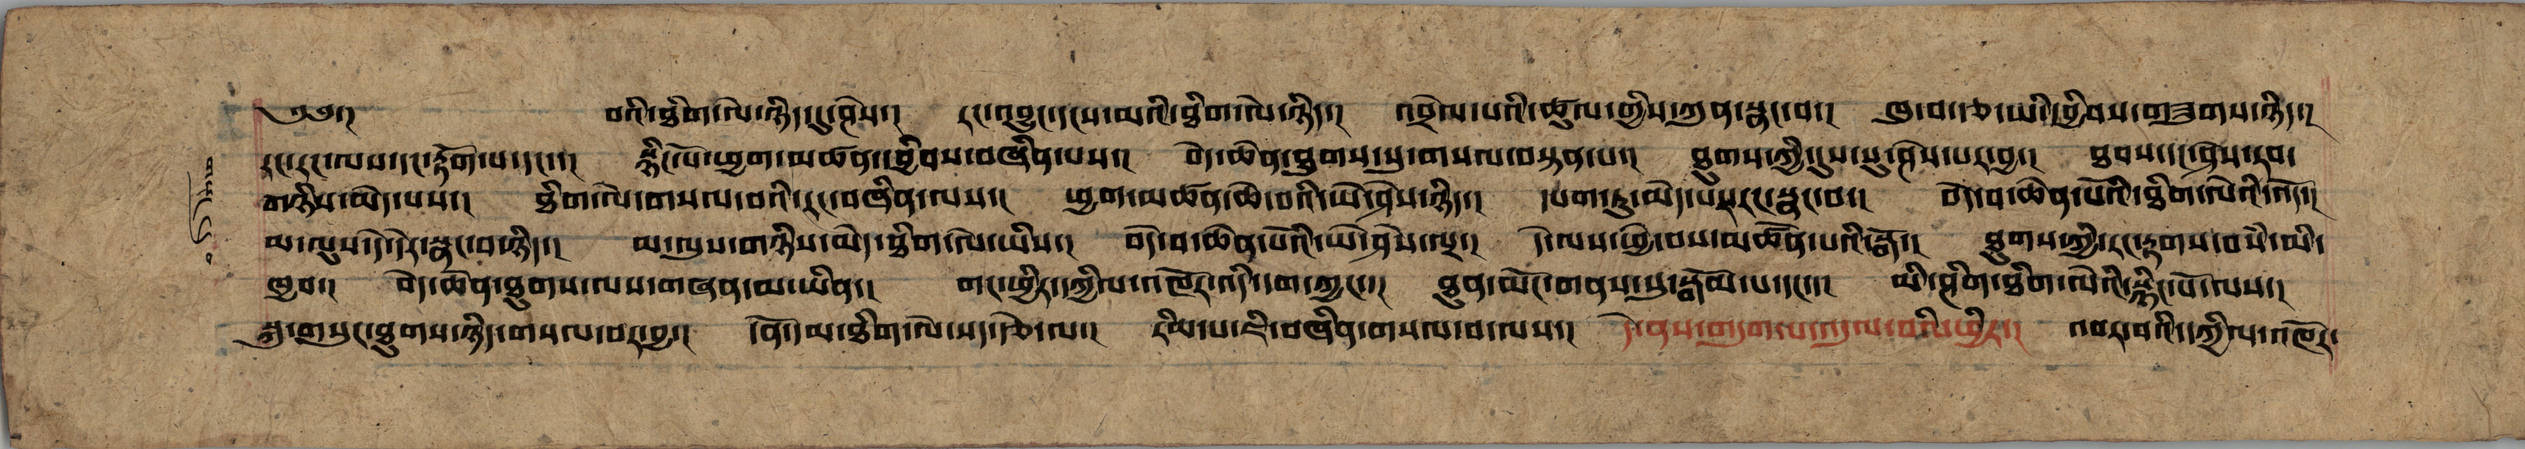༄༅་། བའི་ཐིག་ལེ་ཉིད་དུ་ཤེས་། རང་འབྱུང་དངས་མའི་ཐིག་ལེ་ཉིད་། འབྲེལ་པའི་ཚུལ་གྱིས་ཀུན་སྣང་བ་། ཁུ་བ་རྩ་ཡི་དབྱིབས་གཟུགས་ཉིད་།
རང་རང་ལས་དང་རྟོག་པ་ང་་། སྙིང་པོ་ཕྱག་མཚན་དབྱིབས་བཞིན་པས་། བདེ་ཆེན་ཐུགས་སུ་གསལ་བསྟན་པ་། ཐུགས་ཀྱི་དུས་སུ་ཤེས་པར་བྱ་། ཐབས་དང་ཤེས་རབ་
གཉིས་མེད་པས་། ཐིག་ལེ་གསལ་བའི་རང་བཞིན་ལས་། ཕྱག་མཚན་ཆེ་བའི་ཡེ་ཤེས་ཉིད་། དཔག་ཏུ་མེད་པར་རང་སྣང་བ་། བདེ་བ་ཆེན་པོའི་ཐིག་ལེའི་འོད་།
མ་ལུས་དེ་དེར་སྣང་བ་ཉིད་། མ་ལུས་གཉིས་མེད་ཐིག་ལེ་ཡིས་། བདེ་བ་ཆེན་པོའི་ཡེ་ཤེས་ལྔ་། དེ་ལས་ཕྱེ་བས་མཚོན་པའི་སྒོ་། ཐུགས་ཀྱི་རང་རྟགས་བསཾ་མི་
ཁྱབ་། བདེ་ཆེན་ཐུགས་ལས་གཞན་མ་ཡིན་། གང་ཕྱིར་དཀྱིལ་འཁོར་འདི་དག་ཀྱང་་། ཐུན་མོང་གནས་སུ་སྒོམ་པ་དང་་། མི་ཤིག་ཐིག་ལེའི་སྙིང་པོ་ལས་།
སྐུ་གསུང་ཐུགས་ཉིད་གསལ་བར་བྱ་། དོན་དམ་ཐིག་ལེ་སད་རྩེ་ལ་། རིམ་པ་ཇི་བཞིན་གསལ་བ་ལས་། དེ་ནས་གདུག་པ་འདུལ་བའི་ཕྱིར་། འབར་བའི་དཀྱིལ་འཁོར་